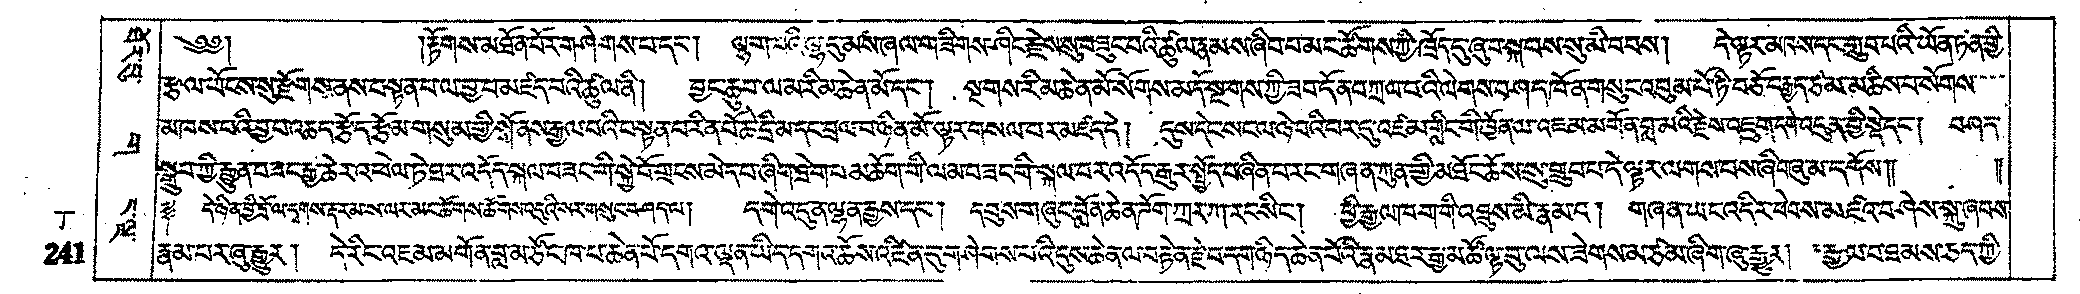༄༅། །རྟོགས་མཐོན་པོར་གཤེགས་པ་དང་། ལྷག་པའི་ལྷ་དུ་མས་ཞལ་གཟིགས་ཤིང་རྗེས་སུ་བཟུང་བའི་ཚུལ་རྣམས་ཞིབ་པ་མང་ཚོགས་ཀྱི་ཁྲོད་དུ་ཞུ་བ་སྐབས་སུ་མི་བབས། དེ་ལྟར་མཁས་དང་གྲུབ་པའི་ཡོན་ཏན་གྱི་
རྩལ་ཡོངས་སུ་རྫོགས་ནས་བསྟན་པ་ལ་བྱ་བ་མཛད་པའི་ཚུལ་ནི། བྱང་ཆུབ་ལམ་རིམ་ཆེན་མོ་དང་། སྔགས་རིམ་ཆེན་མོ་སོགས་མདོ་སྔགས་ཀྱི་ཟབ་དོན་བཀྲལ་བའི་ལེགས་བཤད་ཁོ་ན་གསུང་འབུམ་པོ་ཏི་བཅོ་བརྒྱད་ཙམ་མཆིས་པ་སོགས་་་
མཁས་པའི་བྱ་བ་འཆད་རྩོད་རྩོམ་གསུམ་གྱི་སྒོ་ནས་རྒྱལ་བའི་བསྟན་པ་རིན་པོ་ཆེ་དྲི་མ་དང་བྲལ་བ་ཉིན་མོ་ལྟར་གསལ་བར་མཛད་དེ། དུས་དེང་སང་ལ་ཉེ་བའི་བར་དུ་འཛམ་གླིང་གི་ཁྱོན་ལ་འཇམ་མགོན་བླ་མའི་རྗེས་འཇུག་དགེ་འདུན་གྱི་སྡེ་དང་། བཤད་
སྒྲུབ་ཀྱི་རྒྱུན་བཟང་རྒྱ་ཆེར་འཕེལ་ཏེ་ཐར་འདོད་སྐལ་བཟང་གི་སྐྱེ་བོ་གྲངས་མེད་པ་ཞིག་ཐེག་པ་མཆོག་གི་ལམ་བཟང་གི་སྐལ་བར་འདོད་རྒྱུར་སྤྱོད་བཞིན་པ་རང་གཞན་ཀུན་གྱི་མཐོང་ཆོས་སུ་གྲུབ་པ་དེ་ལྟར་ལགས་པས་ཞིབ་ཞུ་མ་དགོས།། །།
འ་དེ་ཉིན་ཕྱི་དྲོ་ལ་དྭགས་རྡ་རམ་ས་ལར་མང་ཚོགས་ཚོགས་འདུའི་སར་གསུང་བཤད་ལ།  དགེ་འདུན་ལྷན་རྒྱས་དང་། དབུས་གཞུང་བློན་ཆེན་ཌོག་ཀྲར་ཀ་རང་སིང་། ཕྱི་རྒྱལ་ཁག་གི་འཐུས་མི་རྣམ་པ། གཞན་ཡང་འདིར་ཕེབས་མཛའ་བཤེས་སྐུ་ཞབས་
རྣམ་པར་ཞུ་རྒྱུར། དེ་རིང་འཇམ་མགོན་བླ་མ་ཙོང་ཁ་པ་ཆེན་པོ་དགའ་ལྡན་ཡིད་དགའ་ཆོས་འཛིན་དུ་གཤེགས་པའི་དུས་ཆེན་ལ་བརྟེན་རྗེ་བདག་ཉིད་ཆེན་པོའི་རྣམ་ཐར་རྒྱ་མཚོ་ལྟ་བུ་ལས་ཟེགས་མ་ཙམ་ཞིག་ཞུ་རྒྱུར། ༧རྒྱལ་བ་ཐམས་ཅད་ཀྱི་